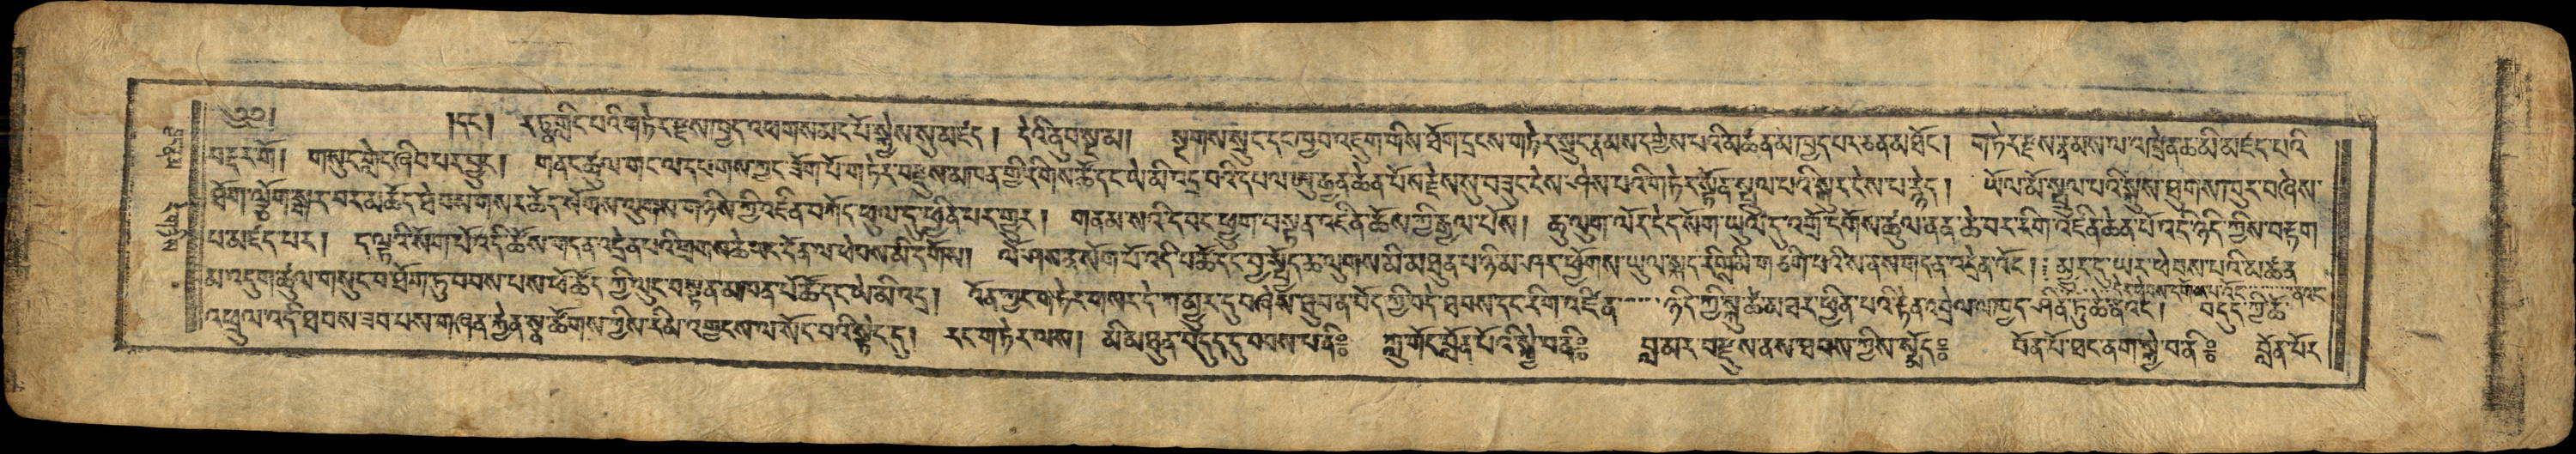༄༅། །དང་། རཏྣ་གླིང་པའི་གཏེར་རྫས་ཁྱད་འཕགས་མང་པོ་སྐྱེས་སུ་མཛད། དེའི་ནུབ་སྔ་མ། སྔགས་སྲུང་དང་ཁྱབ་འཇུག་གིས་ཐོག་དྲངས་གཏེར་སྲུང་རྣམས་དགྱེས་པའི་མཚན་མ་ཁྱད་པར་ཅན་མཐོང་། གཏེར་རྫས་རྣམས་ལ་འཁྲེན་ཆ་མི་མཛད་པའི་
བརྡར་ག། གསུང་གླེང་ཞིབ་པར་བྱུང་། གནང་ཚུལ་གང་ལ་དཔགས་ཀྱང་ཟོག་པོ་གཏེར་བརྫུས་མཁན་གྱི་རིགས་ཚོ་དང་ཡེ་མི་འདྲ་བའི་དཔལ་ཨུ་རྒྱན་ཆེན་པོས་རྗེས་སུ་བཟུང་ངེས་ཤེས་པའི་གཏེར་སྟོན་སྤྲུལ་པའི་སྐུར་ངེས་པ་རྙེད། ཡོལ་མོ་སྤྲུལ་པའི་སྐུས་ཐུགས་ཁུར་བཞེས་
ཐོག་ལྕོག་སྒར་པར་མཆོད་ཐེབས་གསར་ཆོད་སོགས་ལུགས་གཉིས་ཀྱི་འཛིན་བཀོད་ཕུལ་དུ་ཕྱིན་པར་གྱུར། གནམ་སའི་དབང་ཕྱུག་བསྟན་འཛིན་ཆོས་ཀྱི་རྒྱལ་པོས། ཆུ་ལུག་ལོར་ངེད་སོག་ཡུལ་དུ་འགྲོ་དགོས་ཚུལ་ནན་ཆེ་བར་རིག་འཛིན་ཆེན་པོ་འདི་ཉིད་ཀྱིས་བརྟག་
པ་མཛད་པར། ད་ལྟའི་སོག་པོ་འདི་ཆོས་གདན་འདྲེན་པའི་གྲགས་ཆེ་ཡང་དོན་ལ་ཕེབས་མི་དགོས། ལོ་ཤས་ན་སོག་པོ་འདི་པ་ཚོ་དང་བྱ་སྤྱོད་ཆ་ལུགས་མི་མཐུན་པ་ཉི་མ་ཤར་ཕྱོགས་ཡུལ་སྐད་རིགས་མི་གཅིག་པའི་ས་ནས་གདན་འདྲེན་འོང་། །  དེར་ཕེབས་དགོས་པ་འོང་ནའང་མྱུར་དུ་ཡར་ཕོབས་པའི་མཚན་
མ་འདུག་ཚུལ་གསུང་བ་ཐོག་ཏུ་བབས་པས་ཕོ་ཚོད་ཀྱི་ལུང་བསྟན་མཁན་པོ་ཚོ་དང་ཡེ་མི་འདྲ། འོན་ཀྱང་གཏེར་གསར་ད་ཀ་མྱུར་དུ་བཞེས་ཐུབ་ན་བོད་ཀྱི་བདེ་ཐབས་དང་རིག་འཛིན་ཉིད་ཀྱི་སྐུ་ཚེ་མཐར་ཕྱིན་པའི་རྟེན་འབྲེལ་ལ་ཁྱད་ཤིན་ཏུ་ཆེ་ནའང་བདུད་ཀྱི་ཆོ་
འཕྲུལ་འདི་ཐབས་ཟབ་པས་གཞན་རྐྱེན་སྣ་ཚོགས་ཀྱིས་རིམ་འགྱངས་ལ་སོང་བའི་སྟེང་དུ། རང་གཏེར་ལས། མི་མཐུན་བདུད་དུ་བབས་པ་ནིཿ་ཀླུ་གོང་བློན་པོའི་སྐྱེ་བ་ནིཿ་བླ་མར་བརྫུས་ནས་ཐབས་ཀྱིས་སྨོདཿ་བོན་པོ་ཐང་ནག་སྐྱེ་བ་ནིཿ་བློན་པོར་